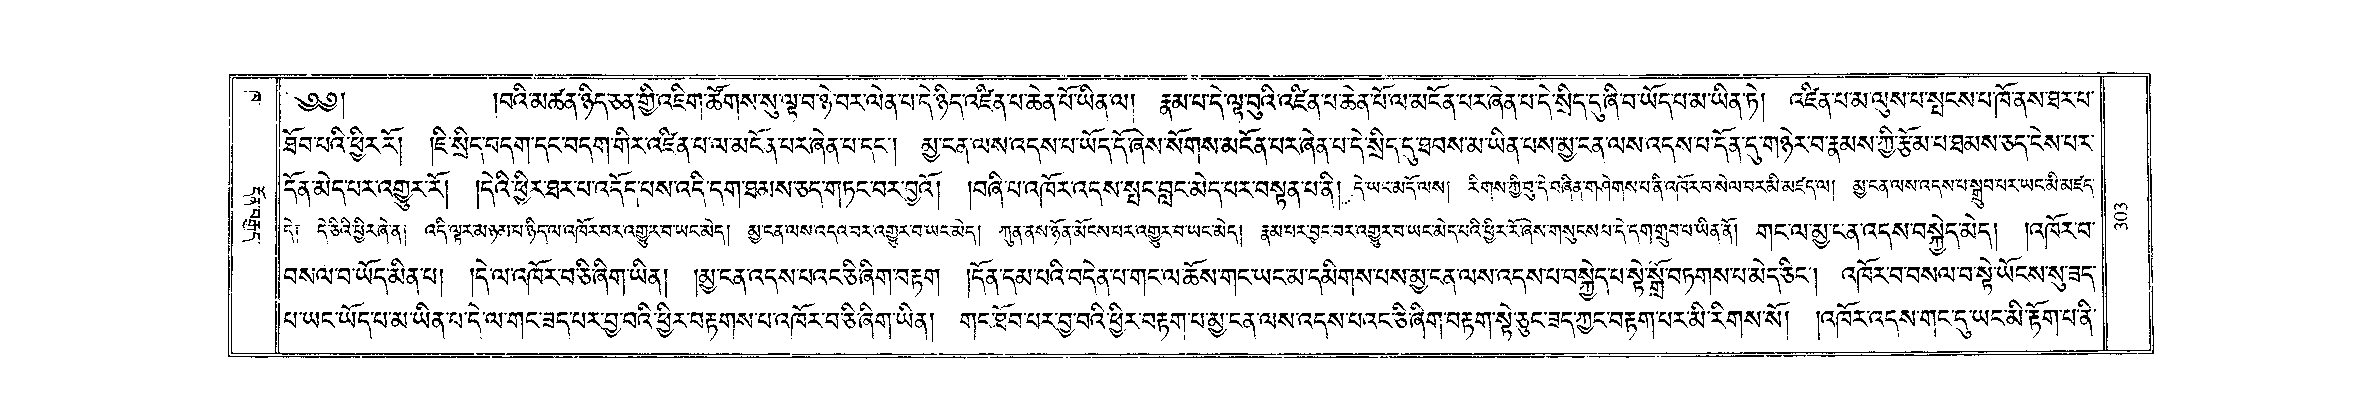༄༅། །བའི་མཚན་ཉིད་ཅན་གྱི་འཇིག་ཚོགས་སུ་ལྟ་བ་ཉེ་བར་ལེན་པ་དེ་ཉིད་འཛིན་པ་ཆེན་པོ་ཡིན་ལ། རྣམ་པ་དེ་ལྟ་བུའི་འཛིན་པ་ཆེན་པོ་ལ་མངོན་པར་ཞེན་པ་དེ་སྲིད་དུ་ཞི་བ་ཡོད་པ་མ་ཡིན་ཏེ། འཛིན་པ་མ་ལུས་པ་སྤངས་པ་ཁོ་ནས་ཐར་པ་
ཐོབ་པའི་ཕྱིར་རོ། །ཇི་སྲིད་བདག་དང་བདག་གིར་འཛིན་པ་ལ་མངོན་པར་ཞེན་པ་དང་། མྱ་ངན་ལས་འདས་པ་ཡོད་དོ་ཞེས་སོགས་མངོན་པར་ཞེན་པ་དེ་སྲིད་དུ་ཐབས་མ་ཡིན་པས་མྱ་ངན་ལས་འདས་པ་དོན་དུ་གཉེར་བ་རྣམས་ཀྱི་རྩོམ་པ་ཐམས་ཅད་ངེས་པར་
དོན་མེད་པར་འགྱུར་རོ། །དེའི་ཕྱིར་ཐར་པ་འདོད་པས་འདི་དག་ཐམས་ཅད་གཏང་བར་བྱའོ། །བཞི་པ་འཁོར་འདས་སྤང་བླང་མེད་པར་བསྟན་པ་ནི། དེ་ཡང་མདོ་ལས། རིགས་ཀྱི་བུ་དེ་བཞིན་གཤེགས་པ་ནི་འཁོར་བ་སེལ་བར་མི་མཛད་ལ། མྱ་ངན་ལས་འདས་པ་སྒྲུབ་པར་ཡང་མི་མཛད་
དེ༑ དེ་ཅིའི་ཕྱིར་ཞེ་ན། འདི་ལྟར་མཉམ་པ་ཉིད་ལ་འཁོར་བར་འགྱུར་བ་ཡང་མེད། མྱ་ངན་ལས་འདའ་བར་འགྱུར་བ་ཡང་མེད། ཀུན་ནས་ཉོན་མོངས་པར་འགྱུར་བ་ཡང་མེད། རྣམ་པར་བྱང་བར་འགྱུར་བ་ཡང་མེད་པའི་ཕྱིར་རོ་ཞེས་གསུངས་པ་དེ་དག་གྲུབ་པ་ཡིན་ནོ། གང་ལ་མྱ་ངན་འདས་བསྐྱེད་མེད། །འཁོར་བ་
བསལ་བ་ཡོད་མིན་པ། །དེ་ལ་འཁོར་བ་ཅི་ཞིག་ཡིན། །མྱ་ངན་འདས་པའང་ཅི་ཞིག་བརྟག །དོན་དམ་པའི་བདེན་པ་གང་ལ་ཆོས་གང་ཡང་མ་དམིགས་པས་མྱ་ངན་ལས་འདས་པ་བསྐྱེད་པ་སྟེ་སྒྲོ་བཏགས་པ་མེད་ཅིང་། འཁོར་བ་བསལ་བ་སྟེ་ཡོངས་སུ་ཟད་
པ་ཡང་ཡོད་པ་མ་ཡིན་པ་དེ་ལ་གང་ཟད་པར་བྱ་བའི་ཕྱིར་བརྟགས་པ་འཁོར་བ་ཅི་ཞིག་ཡིན། གང་ཐོབ་པར་བྱ་བའི་ཕྱིར་བརྟག་པ་མྱ་ངན་ལས་འདས་པའང་ཅི་ཞིག་བརྟག་སྟེ་ཅུང་ཟད་ཀྱང་བརྟག་པར་མི་རིགས་སོ། །འཁོར་འདས་གང་དུ་ཡང་མི་རྟོག་པ་ནི་